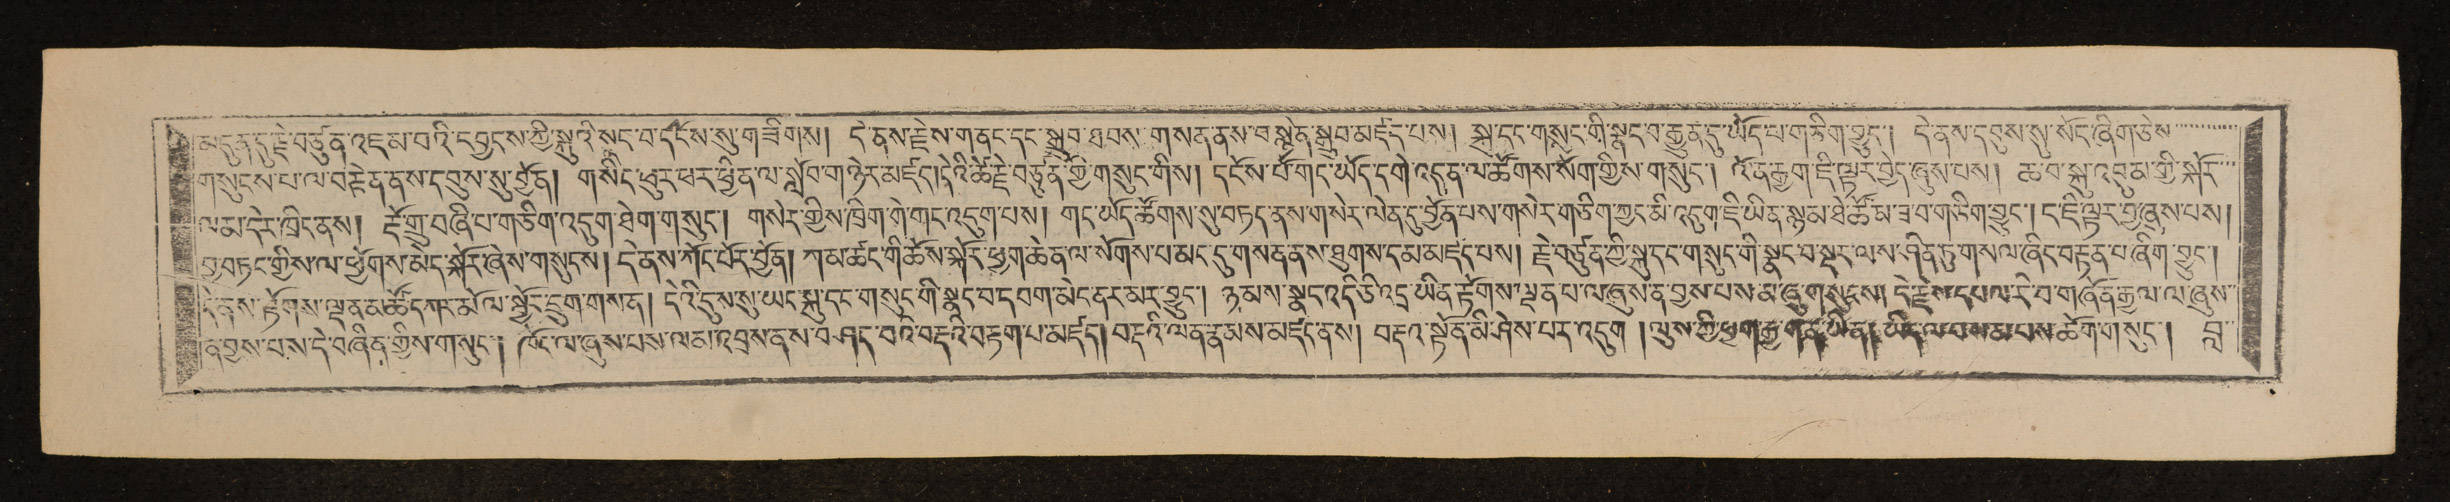མདུན་དུ་རྗེ་བཙུན་འཇམ་པའི་དབྱངས་ཀྱི་སྐུའི་སྣང་བ་དངོས་སུ་གཟིགས། དེ་ནས་རྗེས་གནང་དང་སྒྲུབ་ཐབས་གསན་ནས་བསྙེན་སྒྲུབ་མཛད་པས། སྐུ་དང་གསུང་གི་སྣང་བ་རྒྱུན་དུ་ཡོད་པ་གཅིག་བྱུང་། དེ་ནས་དབུས་སུ་སོང་ཞིག་ཅེས་
གསུངས་པ་ལ་བརྟེན་ནས་དབུས་སུ་བྱོན། གསང་ཕུར་ཕར་ཕྱིན་ལ་སློབ་གཉེར་མཛད། དེའི་ཚེ་རྗེ་བཙུན་གྱི་གསུང་གིས། དངོས་པོ་གང་ཡོད་དགེ་འདུན་ལ་ཚོགས་སོག་གྱིས་གསུང་། འོ་ན་རྒྱག་ཇི་ལྟར་བྱེད་ཞུས་པས། ཆ་བ་སྐུ་འབུམ་གྱི་སྐོར་
ལམ་དེར་ཁྲིད་ནས། རྡོ་གྲུ་བཞི་པ་གཅིག་འདུག་ཐེག་གསུང་། གསེར་གྱིས་ཁྲིག་གི་གང་འདུག་པས། གང་ཡོད་ཚོགས་སུ་བཏང་ནས་གསེར་ལེན་དུ་བྱོན་པས་གསེར་གཅིག་ཀྱང་མི་འདུག་ཇི་ཡིན་སྙམ་ཐེ་ཚོམ་ཟ་བ་གཅིག་བྱུང་། ད་ཇི་ལྟར་བྱ་ཞུས་པས།
བྱ་བཏང་གྱིས་ལ་ཕྱོགས་མེད་སྐོར་ཞེས་གསུངས། དེ་ནས་ཀོང་པོར་བྱོན། ཀམ་ཚང་གི་ཆོས་སྐོར་ཕྱག་ཆེན་ལ་སོགས་པ་མང་དུ་གསན་ནས་ཐུགས་དམ་མཛད་པས། རྗེ་བཙུན་གྱི་སྐུ་དང་གསུང་གི་སྣང་བ་སྔར་ལས་ཤིན་ཏུ་གསལ་ཞིང་བརྟན་པ་ཞིག་བྱུང་།
དེ་ནས་རྟོགས་ལྡན་མཚོ་དཀར་མོ་ལ་སྦྱོར་དྲུག་གསན། དེའི་དུས་སུ་ཡང་སྐུ་དང་གསུང་གི་སྣང་བ་དཔག་མེད་ནར་མར་བྱུང་། ཉམས་སྣང་འདི་ཅི་འདྲ་ཡིན་རྟོགས་ལྡན་པ་ལ་ཞུས་ནས་བྱས་པས་མ་ཞུ་གསུངས། དེ་རྗེས་དཔལ་རི་བ་གཞོན་རྒྱལ་ལ་ཞུས་
ན་བྱས་པས་དེ་བཞིན་གྱིས་གསུང་། ཁོང་ལ་ཞུས་པས་ལམ་འབྲས་ནས་བཤད་པའི་བརྡའི་བརྟག་པ་མཛད། བརྡའི་ལན་རྣམས་མཛད་ནས། བརྡའ་སྟོན་མི་ཤེས་བར་འདུག །ལུས་ཀྱི་ཕྱག་རྒྱ་ག་ན་ཡིན། ཡིད་ལ་བསམ་པས་ཆོག་གསུང་། བླ་